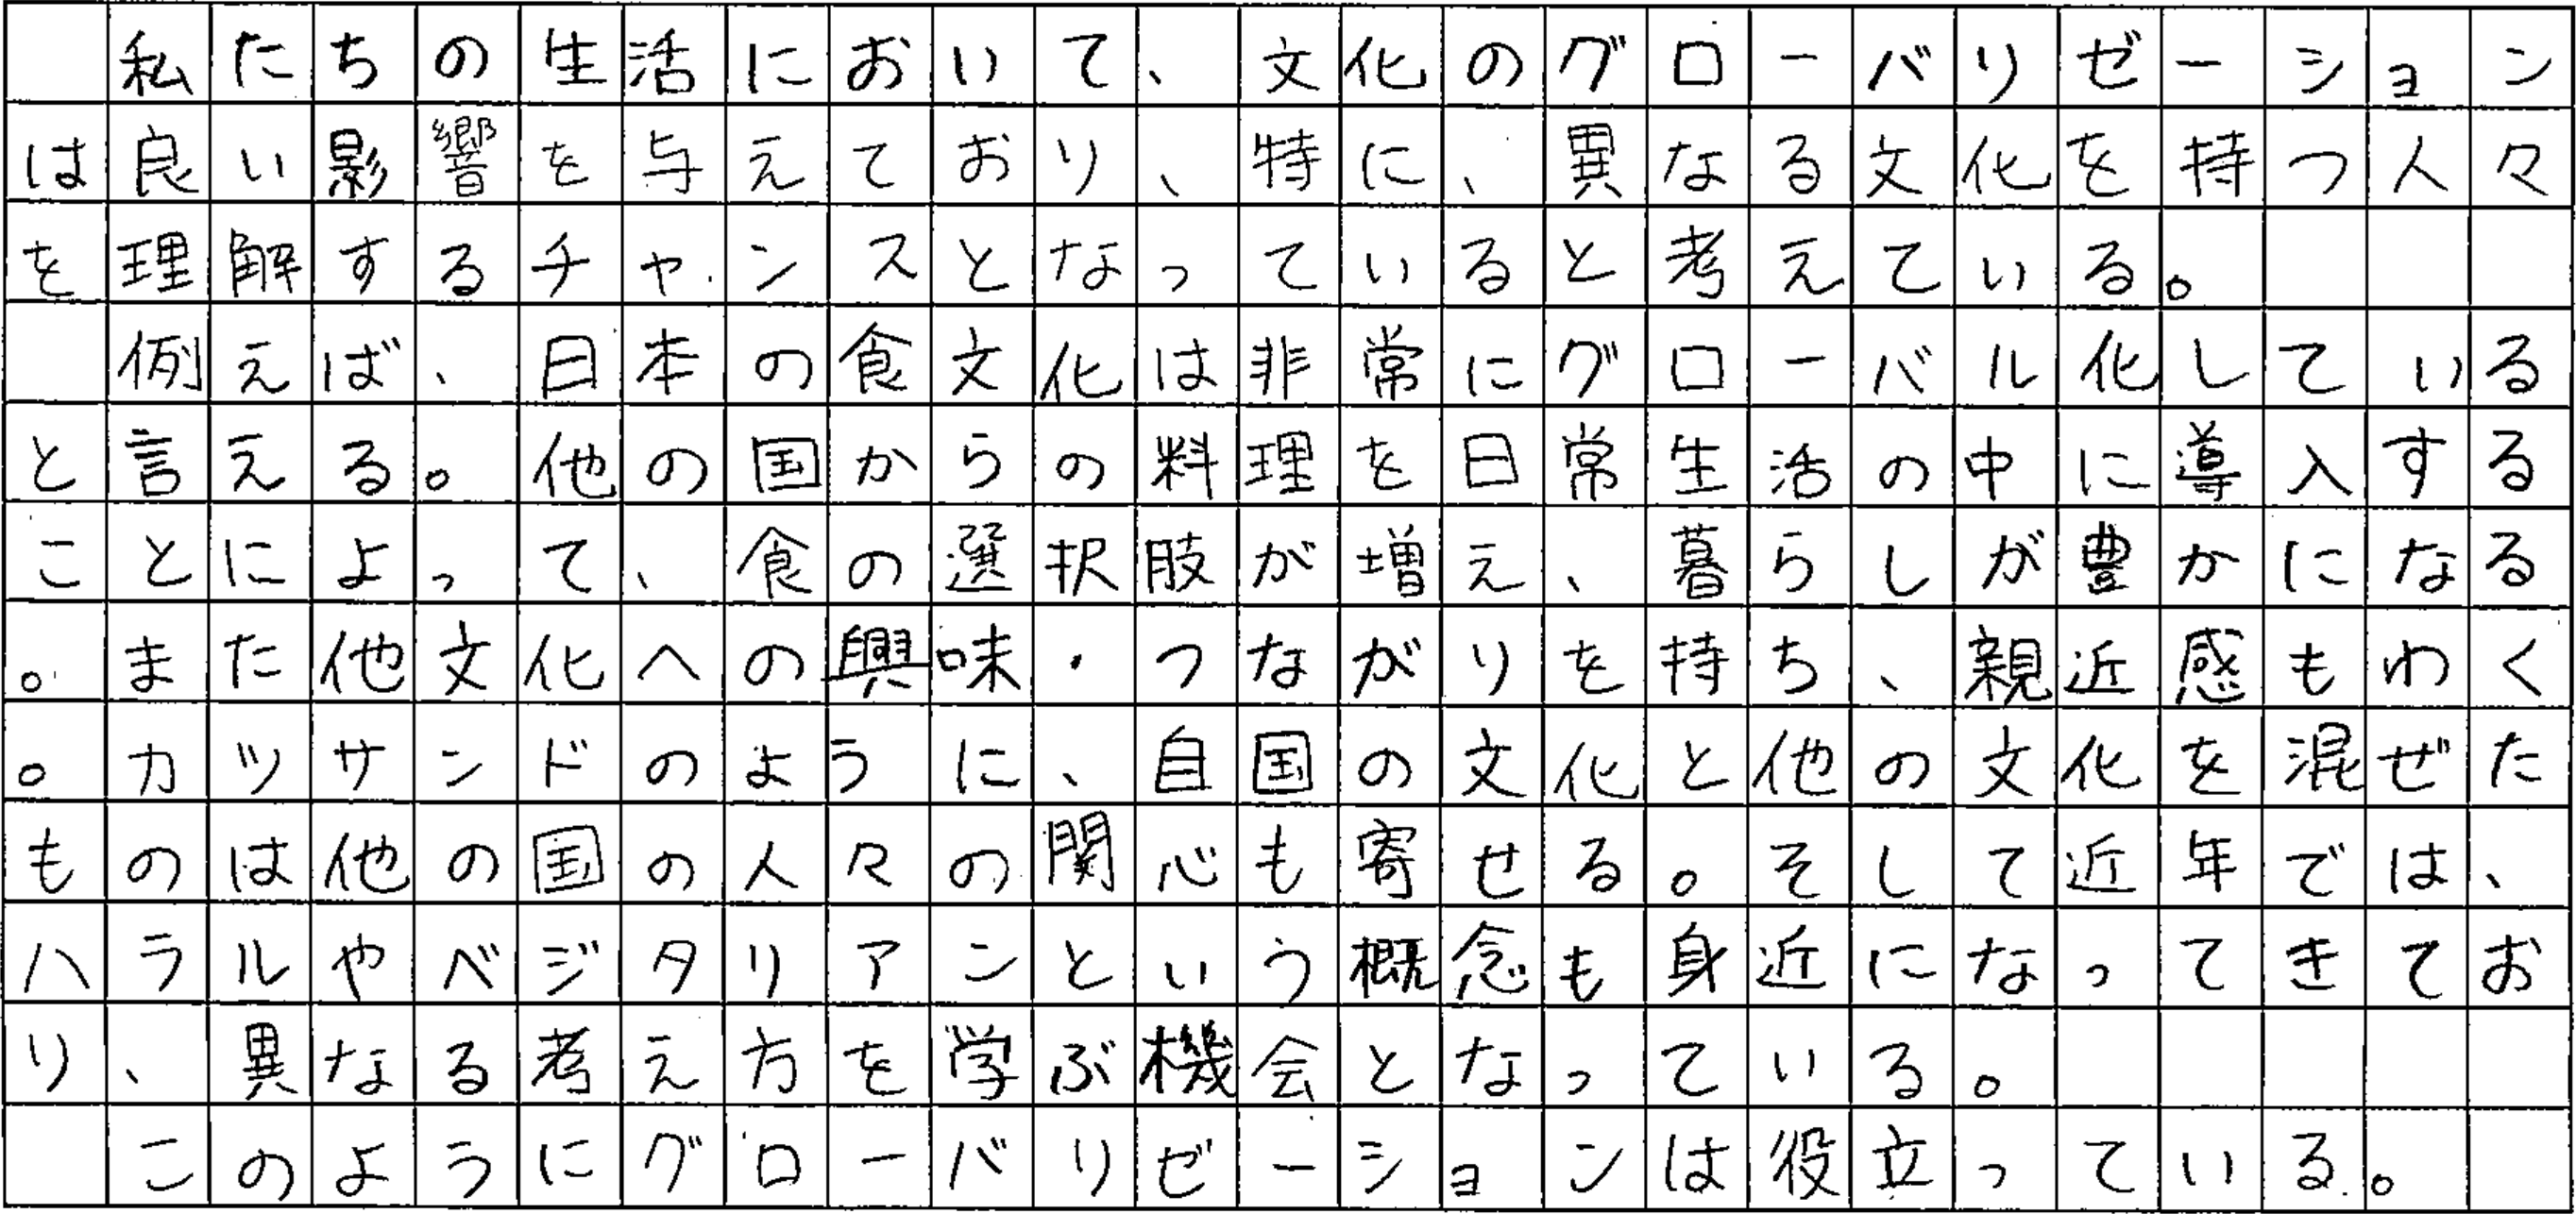　私たちの生活において、文化のグローバリゼーションは良い影響を与えており、特に、異なる文化を持つ人々を理解するチャンスとなっていると考えている。
　例えば、日本の食文化は非常にグローバル化していると言える。他の国からの料理を日常生活の中に導入することによって、食の選択肢が増え、暮らしが豊かになる。また他文化への興味・つながりを持ち、親近感もわく。カツサンドのように、自国の文化と他の文化を混ぜたものは他の国の人々の関心も寄せる。そして近年では、ハラルやベジタリアンという概念も身近になってきており、異なる考え方を学ぶ機会となっている。
　このようにグローバリゼーションは役立っている。
